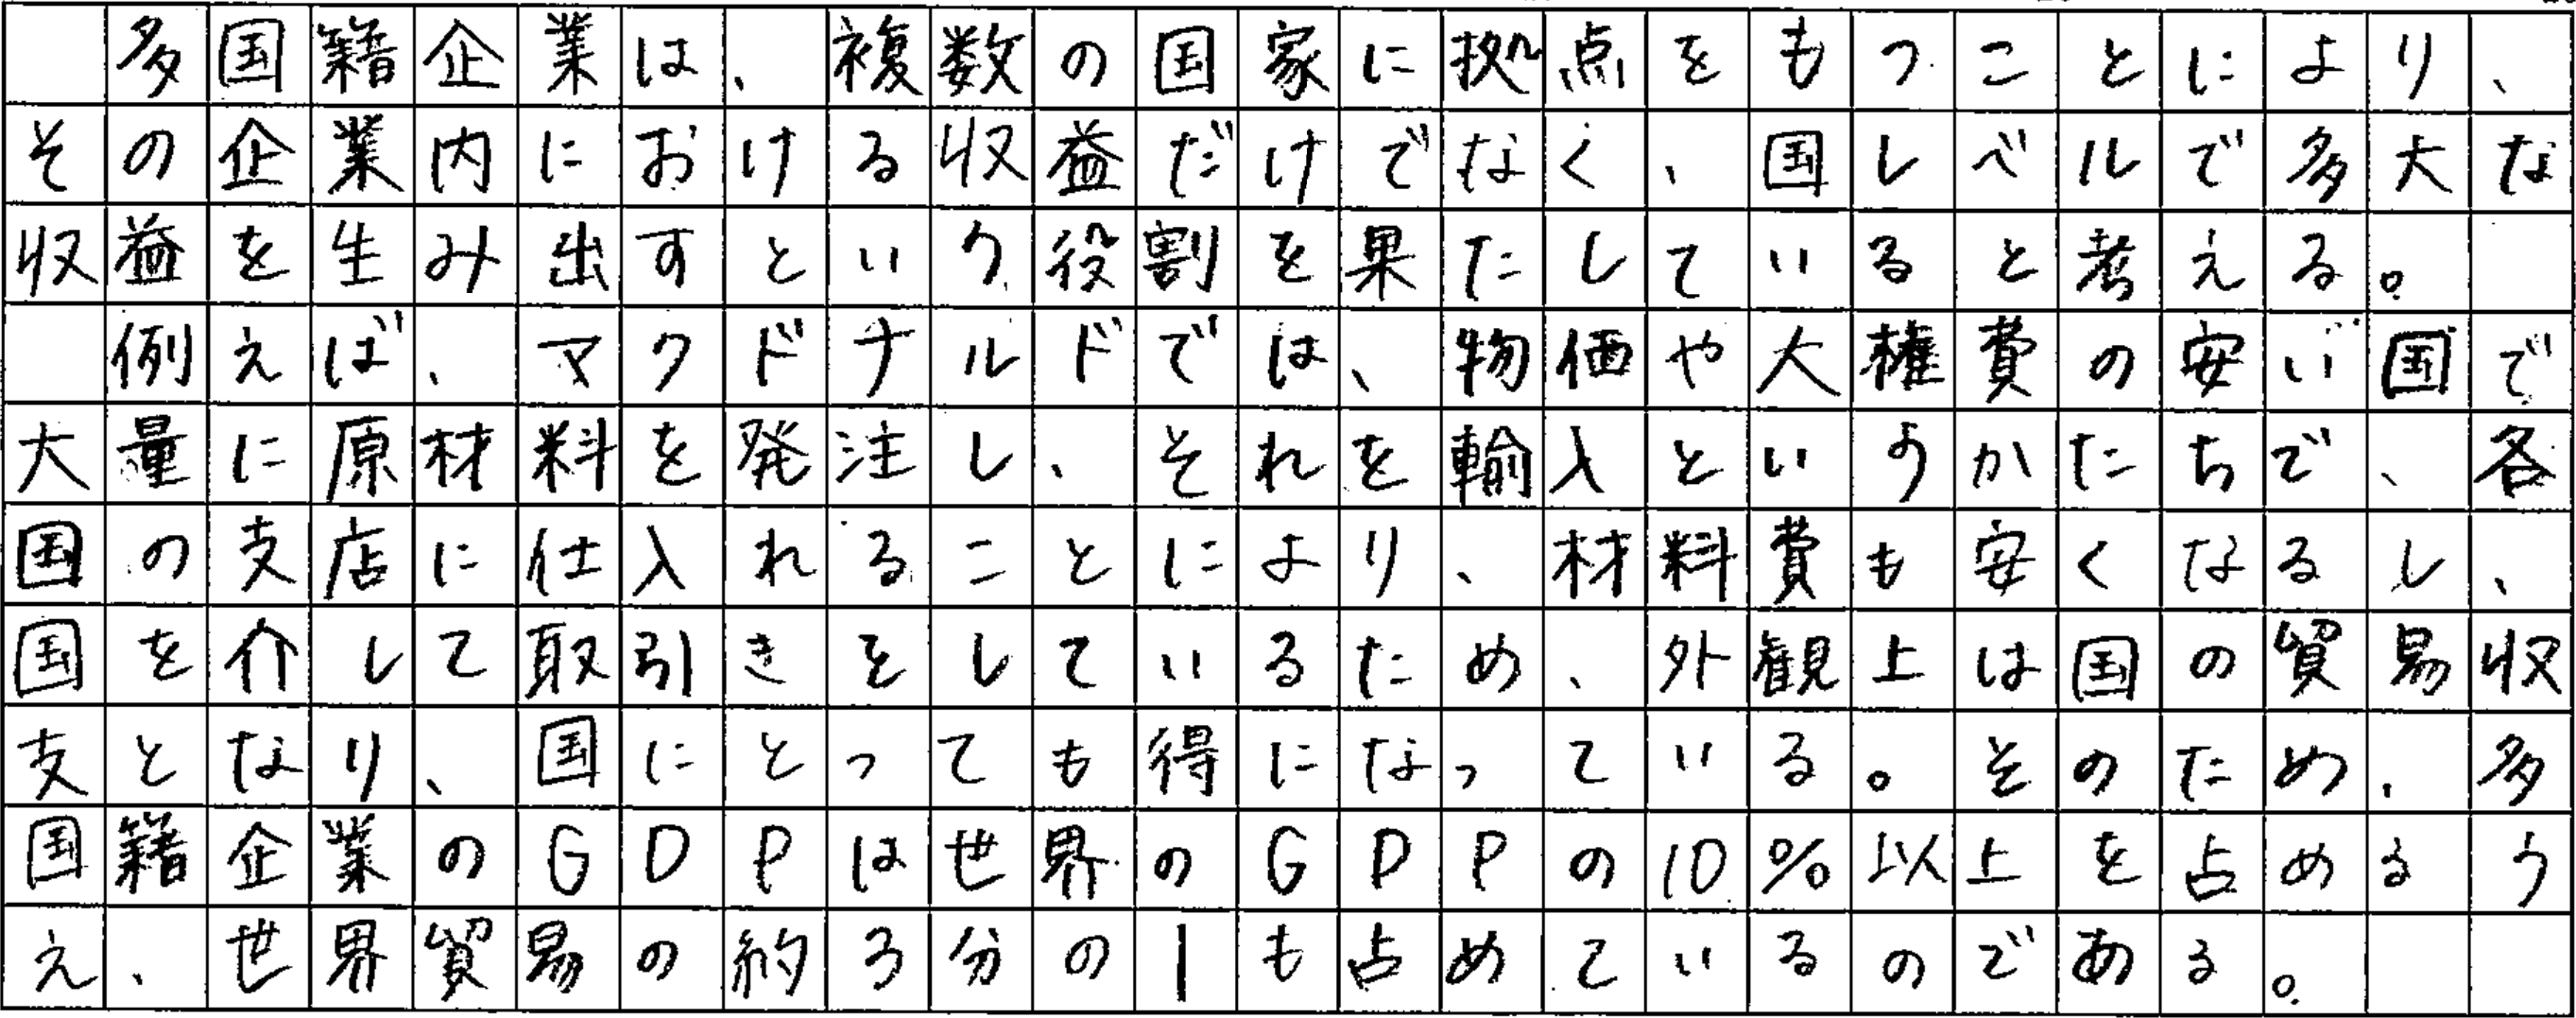　多国籍企業は、複数の国家に拠点をもつことにより、その企業内における収益だけでなく、国レベルで多大な収益を生み出すという役割を果たしていると考える。
　例えば、マクドナルドでは、物価や人権費の安い国で大量に原材料を発注し、それを輸入というかたちで、各国の支店に仕入れることにより、材料費も安くなるし、国を介して取引きをしているため、外観上は国の貿易収支となり、国にとっても得になっている。そのため、多国籍企業のＧＤＰは世界のＧＤＰの10％以上を占めるうえ、世界貿易の約３分の１も占めているのである。
